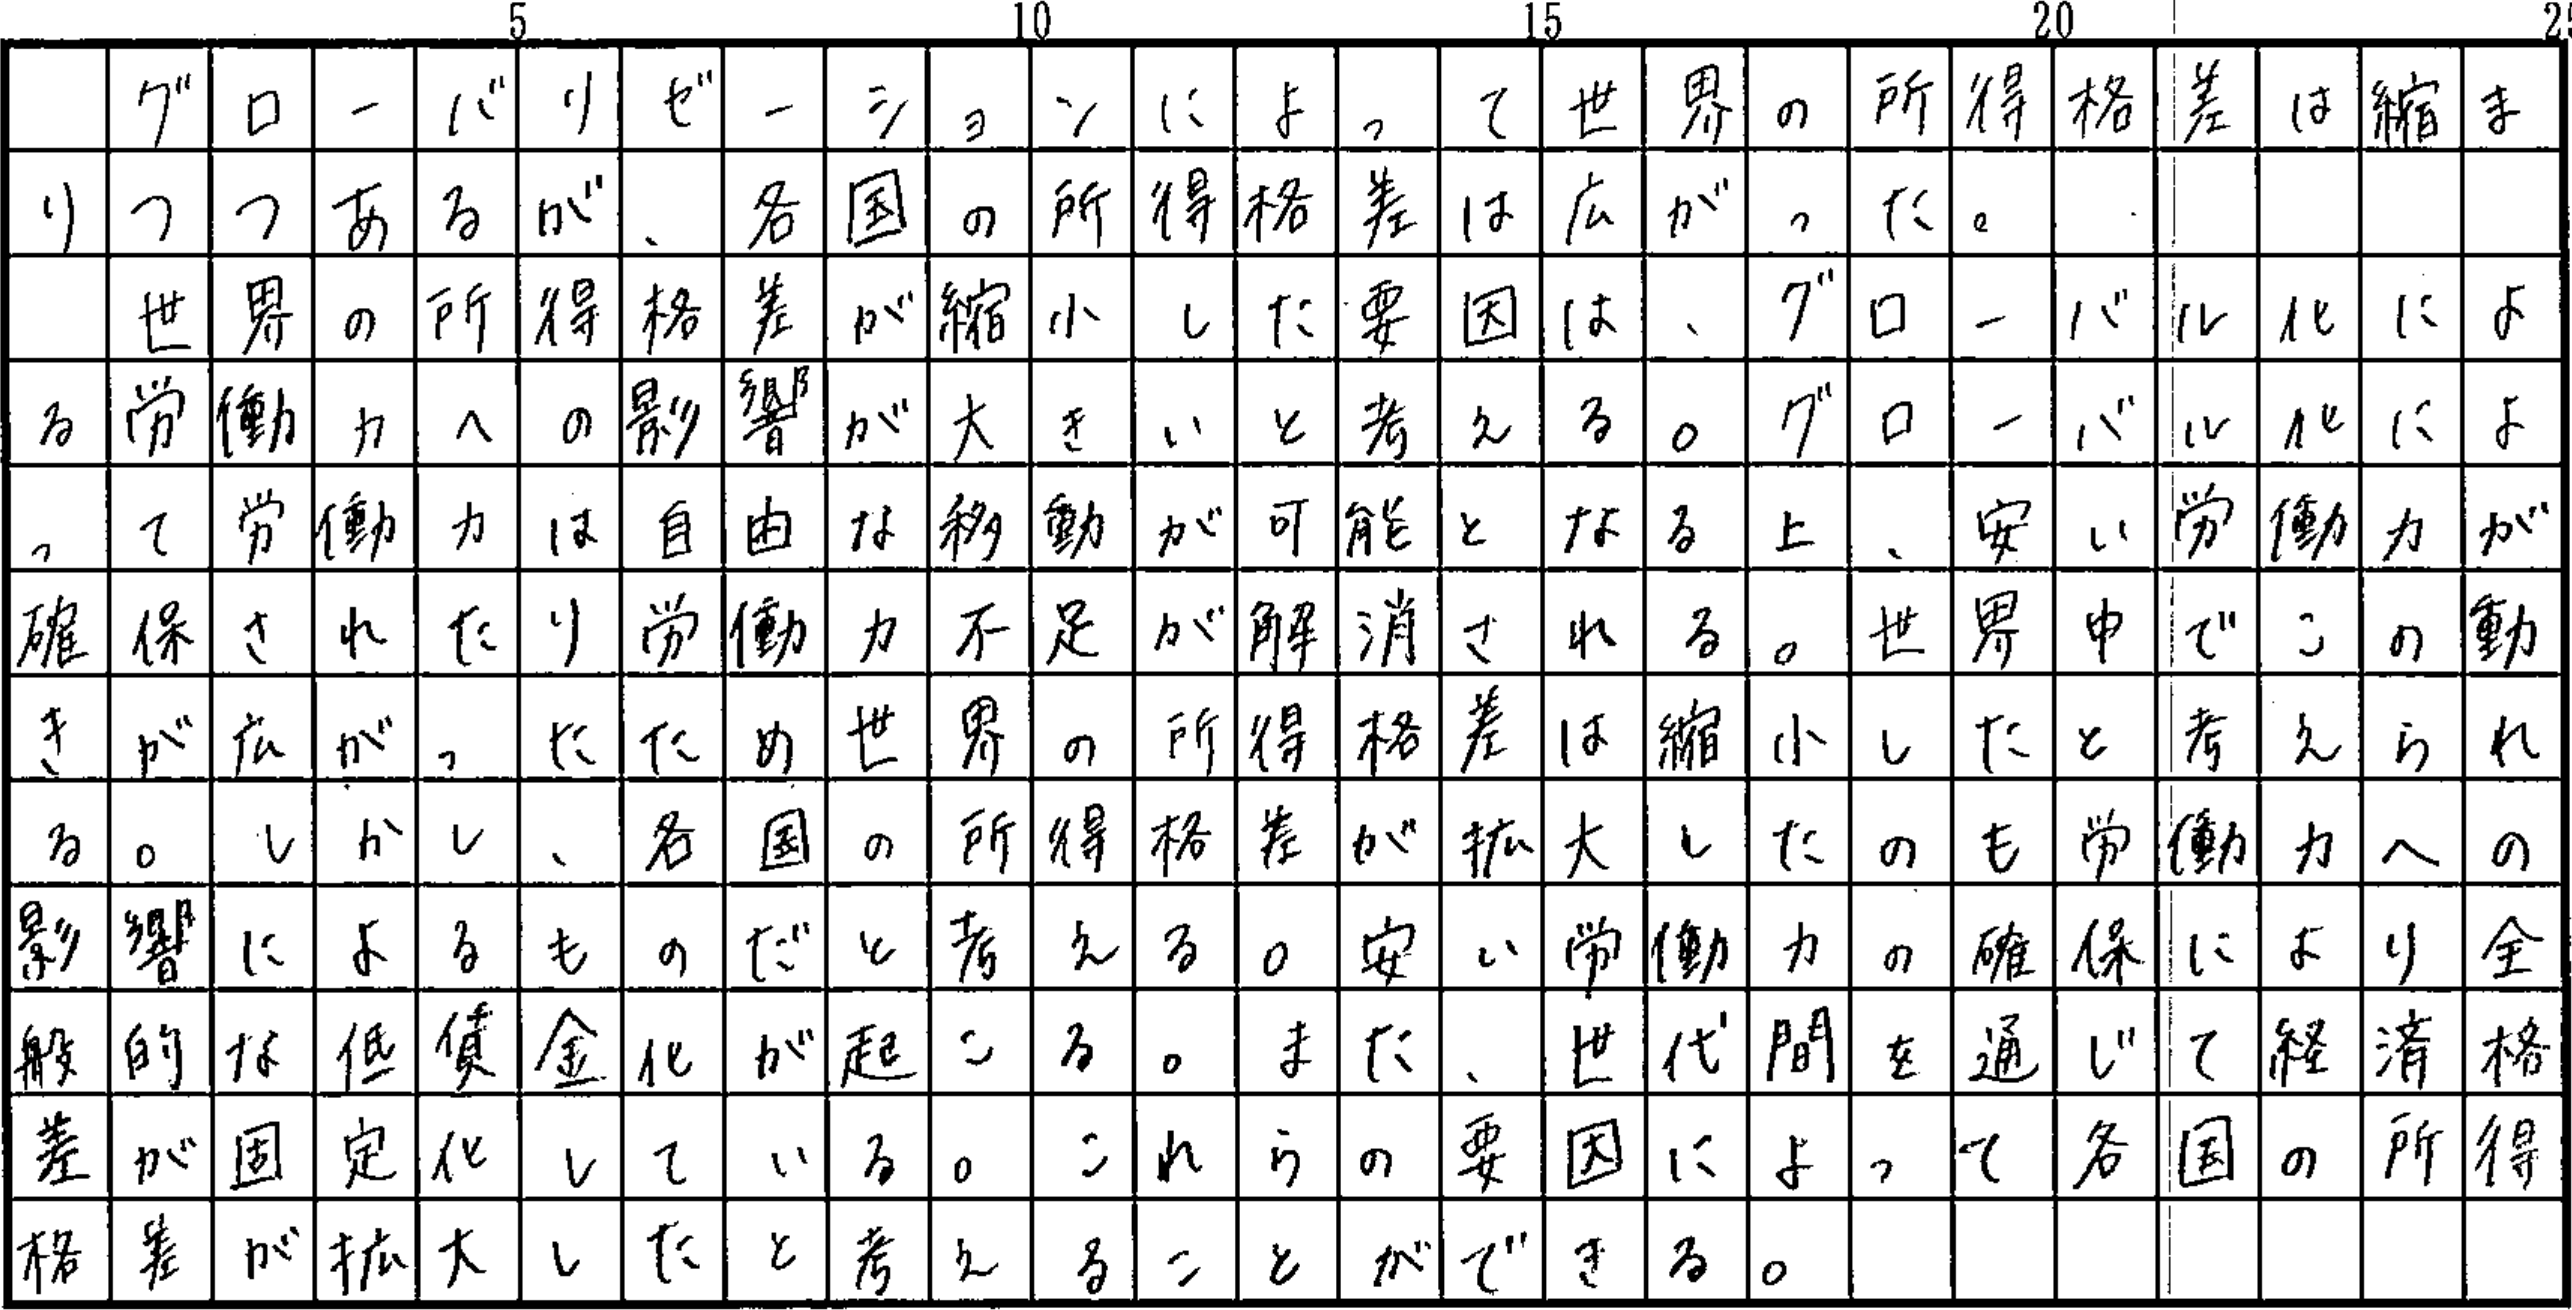　グローバリゼーションによって世界の所得格差は縮まりつつあるが、各国の所得格差は広がった。
　世界の所得格差が縮小した要因は、グローバル化による労働力への影響が大きいと考える。グローバル化によって労働力は自由な移動が可能となる上、安い労働力が確保されたり労働力不足が解消される。世界中でこの動きが広がったため世界の所得格差は縮小したと考えられる。しかし、各国の所得格差が拡大したのも労働力への影響によるものだと考える。安い労働力の確保により全般的な低賃金化が起こる。また、世代間を通じて経済格差が固定化している。これらの要因によって各国の所得格差が拡大したと考えることができる。
